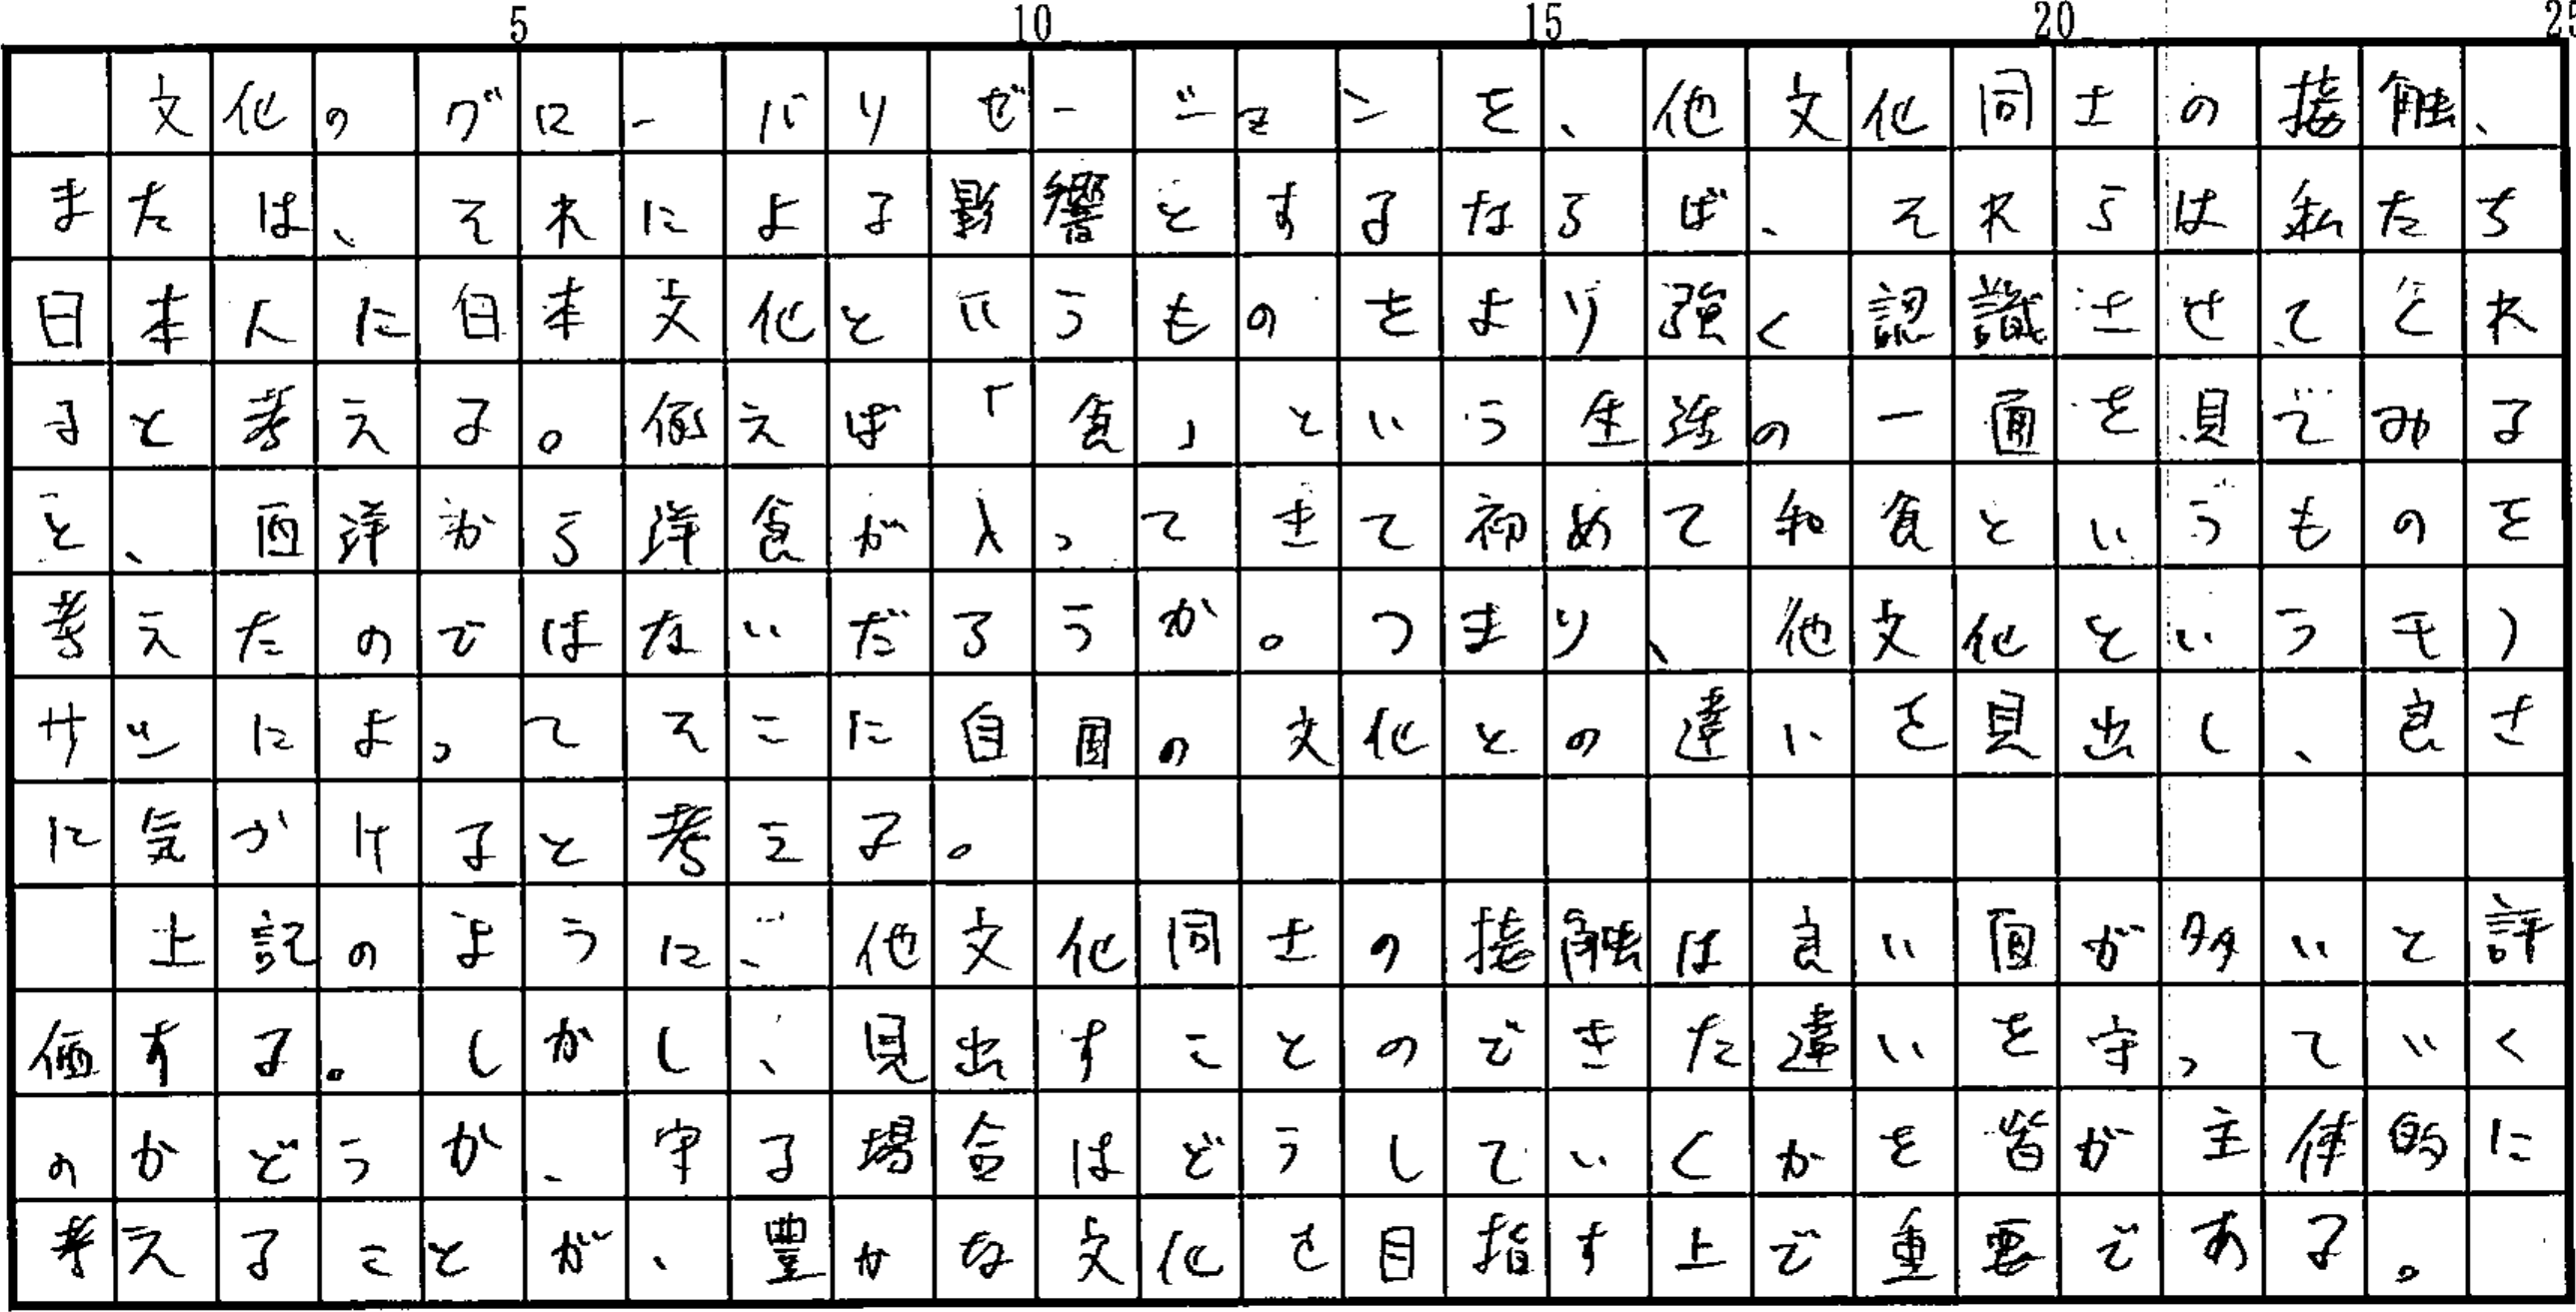　文化のグローバリゼーションを、他文化同士の接触、または、それによる影響とするならば、それらは私たち日本人に日本文化というものをより強く認識させてくれると考える。例えば「食」という生活の一面を見てみると、西洋から洋食が入ってきて初めて和食というものを考えたのではないだろうか。つまり、他文化というモノサシによってそこに自国うの文化と違いを見出し、良さに気づけると考える。
　上記のように、他文化同士の接触は良い面が多いと評価する。しかし、見出すことのできた違いを守っていくのかどうか、守る場合はどうしていくかを皆が主体的に考えることが、豊かな文化を目指す上で重要である。
